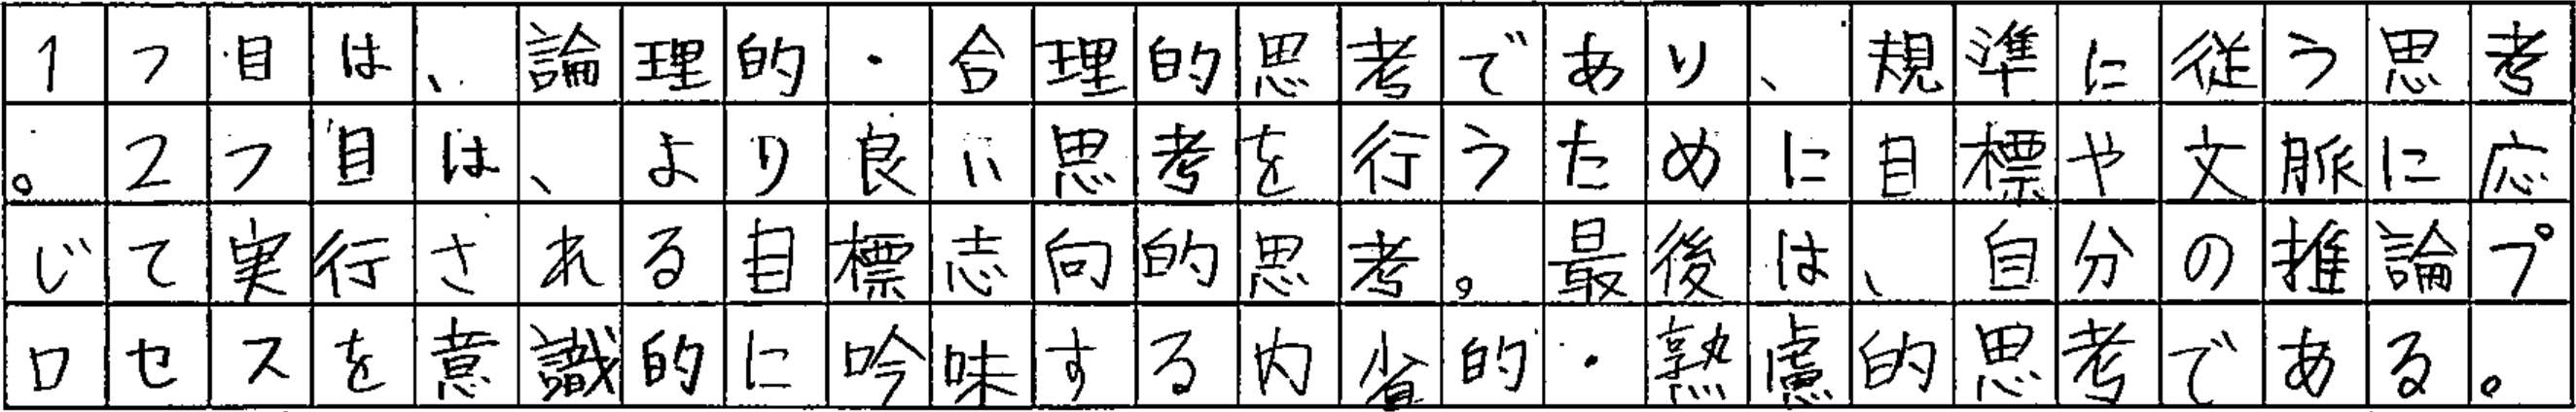１つ目は、論理的・合理的思考であり、規準に従う思考。２つ目は、より良い思考を行うために目標や文脈に応じて実行される目標志向的思考。最後は、自分の推論プロセスを意識的に吟味する内省的・熟慮的思考である。
